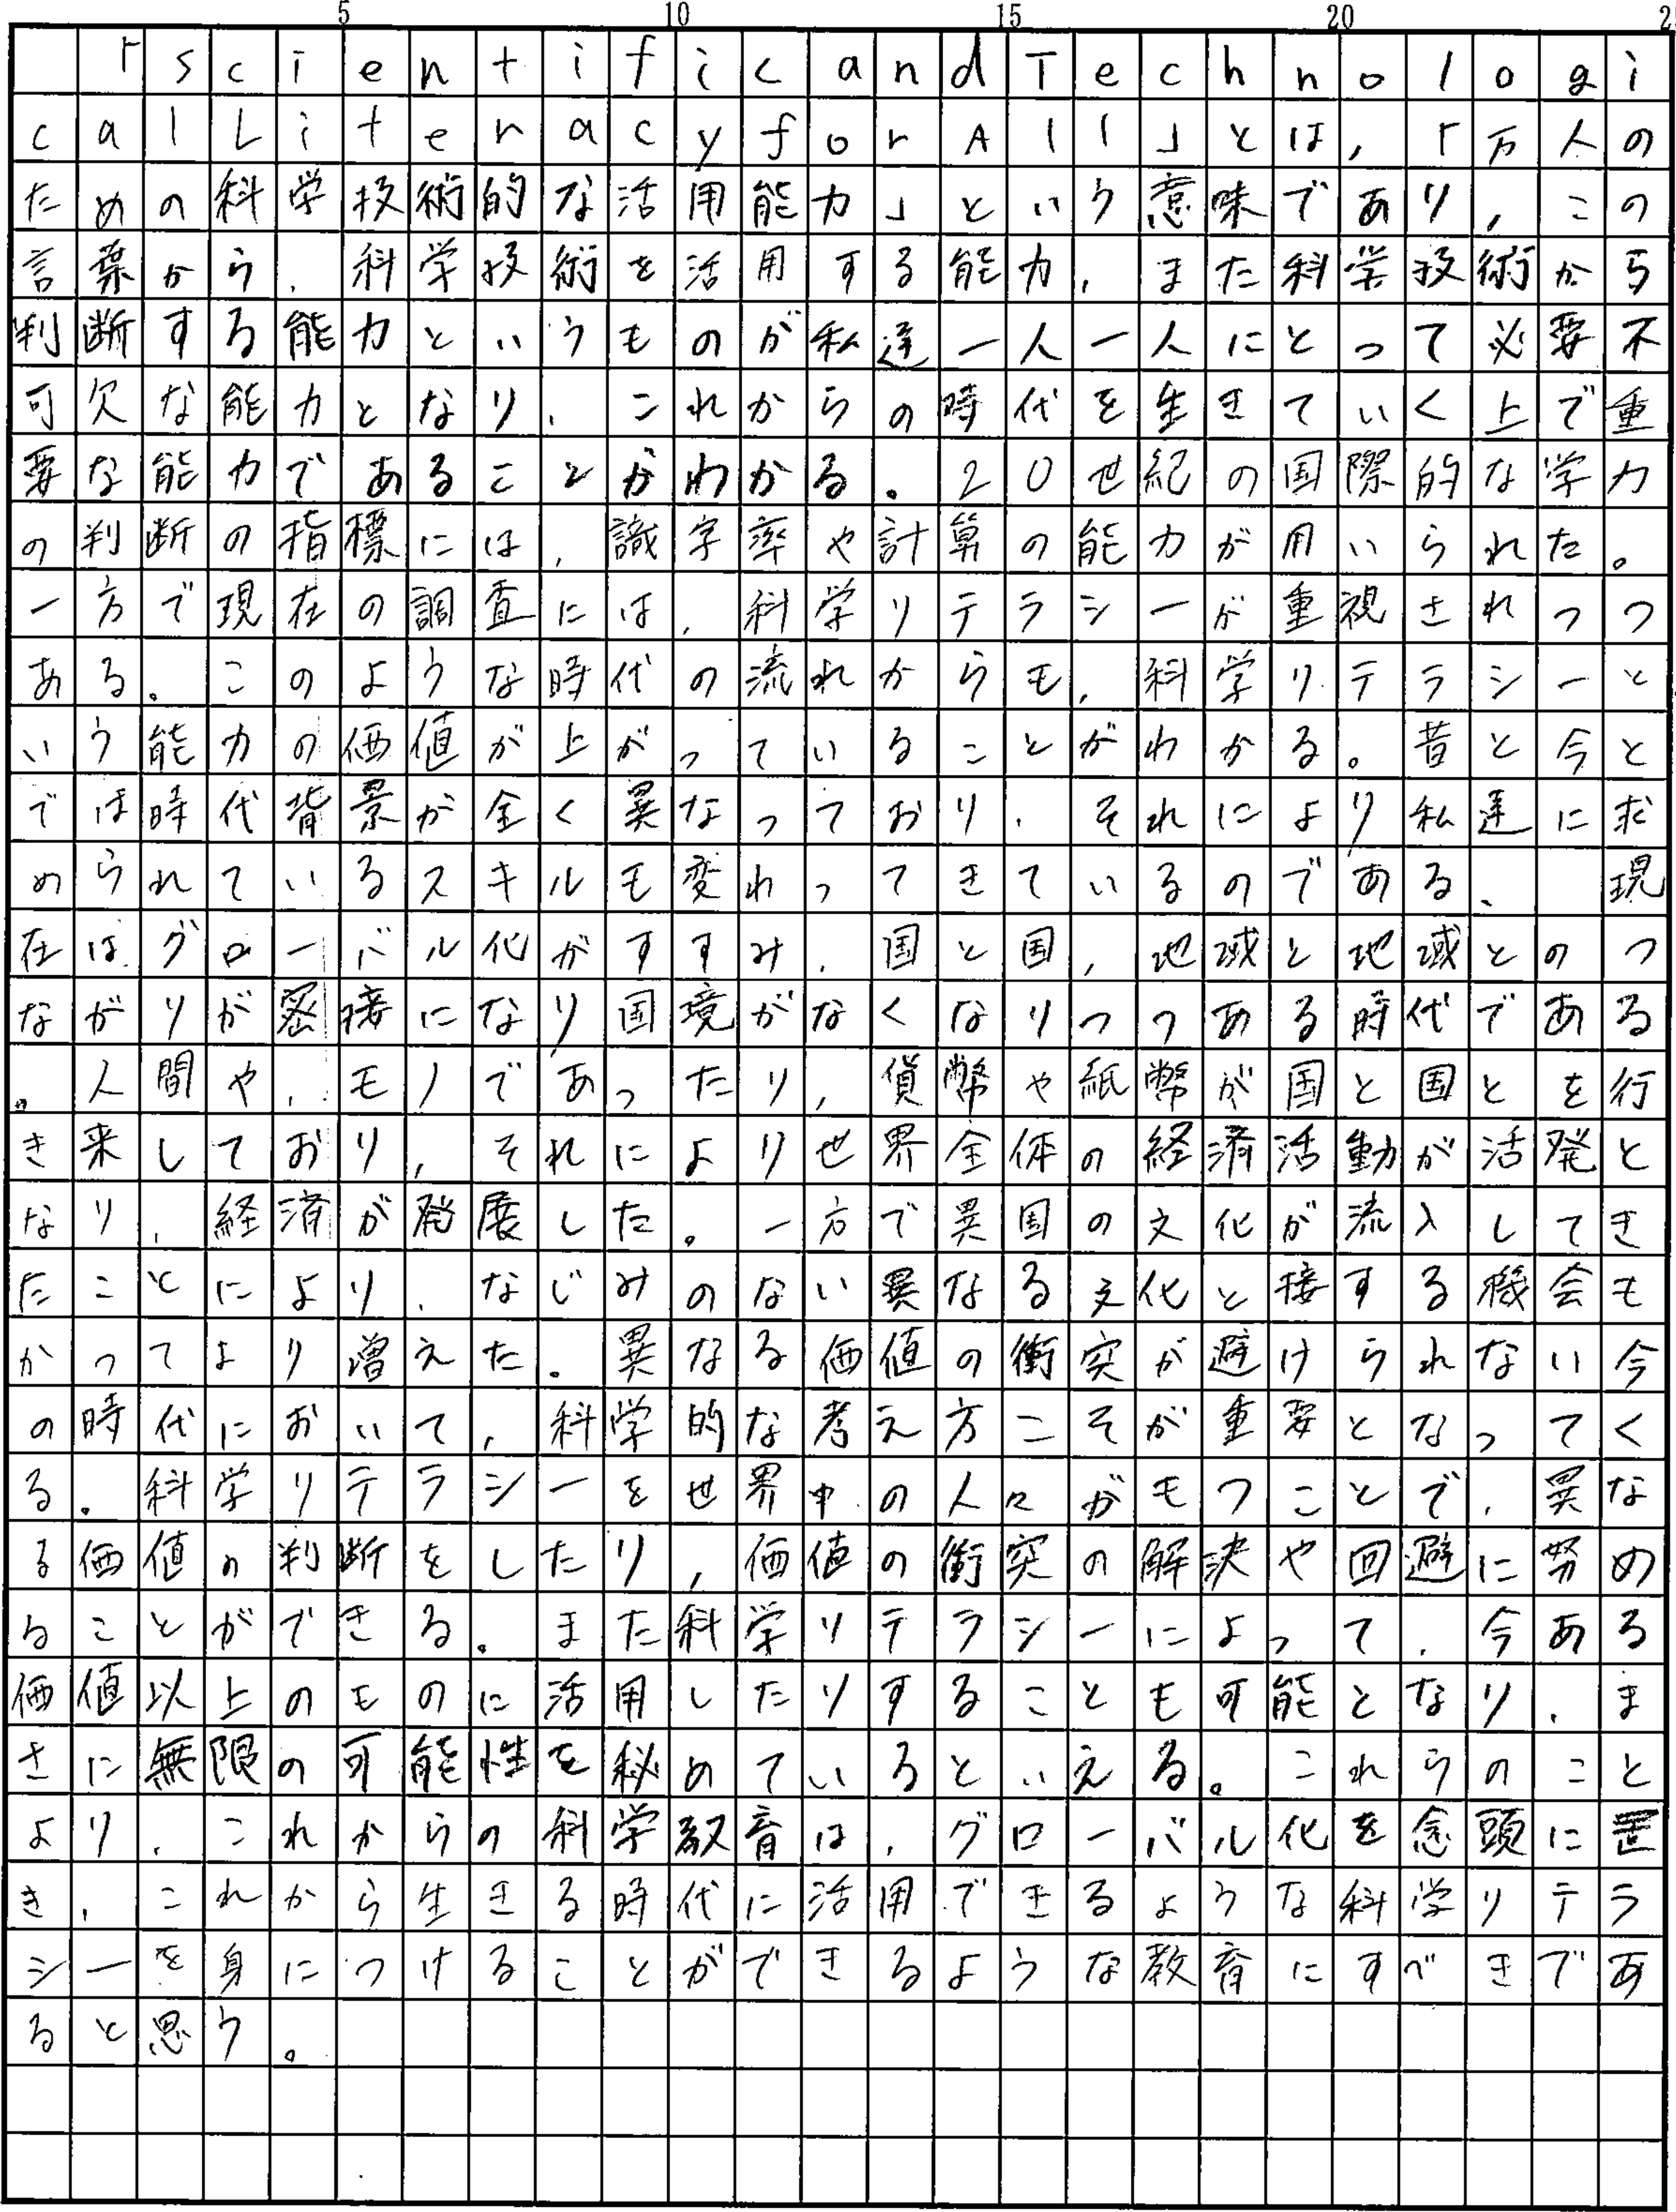　「ＳｃｉｅｎｔｉｆｉｃａｎｄＴｅｃｈｎｏｌｏｇｉｃａｌＬｉｔｅｒａｃｙｆｏｒＡｌｌ」とは、「万人のための科学技術的な活用能力」という意味であり、この言葉から、科学技術を活用する能力、また科学技術から判断する能力というものが私たち一人一人にとって必要不可欠な能力となり、これからの時代を生きていく上で重要な能力であることがわかる。２０世紀の国際的な学力の判断の指標には、識字率や計算の能力が用いられた。一方で現在の調査には、科学リテラシーが重視されつつある。このような時代の流れからも、科学リテラシーという能力の価値が上がっていることがわかる。昔と今とでは時代背景が全く異なっており、それにより私達に求められているスキルも変わってきているのである、　現在はグローバル化がすすみ、国と国、地域と地域とのつながりが密接になり国境がなくなりつつある時代である。人間や、モノであったり、貨幣や紙幣が国と国とを行き来しており、それにより世界全体の経済活動が活発となり、経済が発展した。一方で異国の文化が流入してきたことにより、なじみのない異なる文化と接する機会もかつてより増えた。異なる価値の衝突が避けられない今の時代において、科学的な考え方こそが重要となってくる。科学リテラシーを世界中の人々がもつことで、異なる価値の判断をしたり、価値の衝突の解決や回避に努めることができる。また科学リテラシーによって、今ある価値以上のものに活用したりすることも可能となり、まさに無限の可能性を秘めているといえる。これらのことより、これからの科学教育は、グローバル化を念頭に置き、これから生きる時代に活用できるような科学リテラシーを身につけることができるような教育にすべきであると思う。
